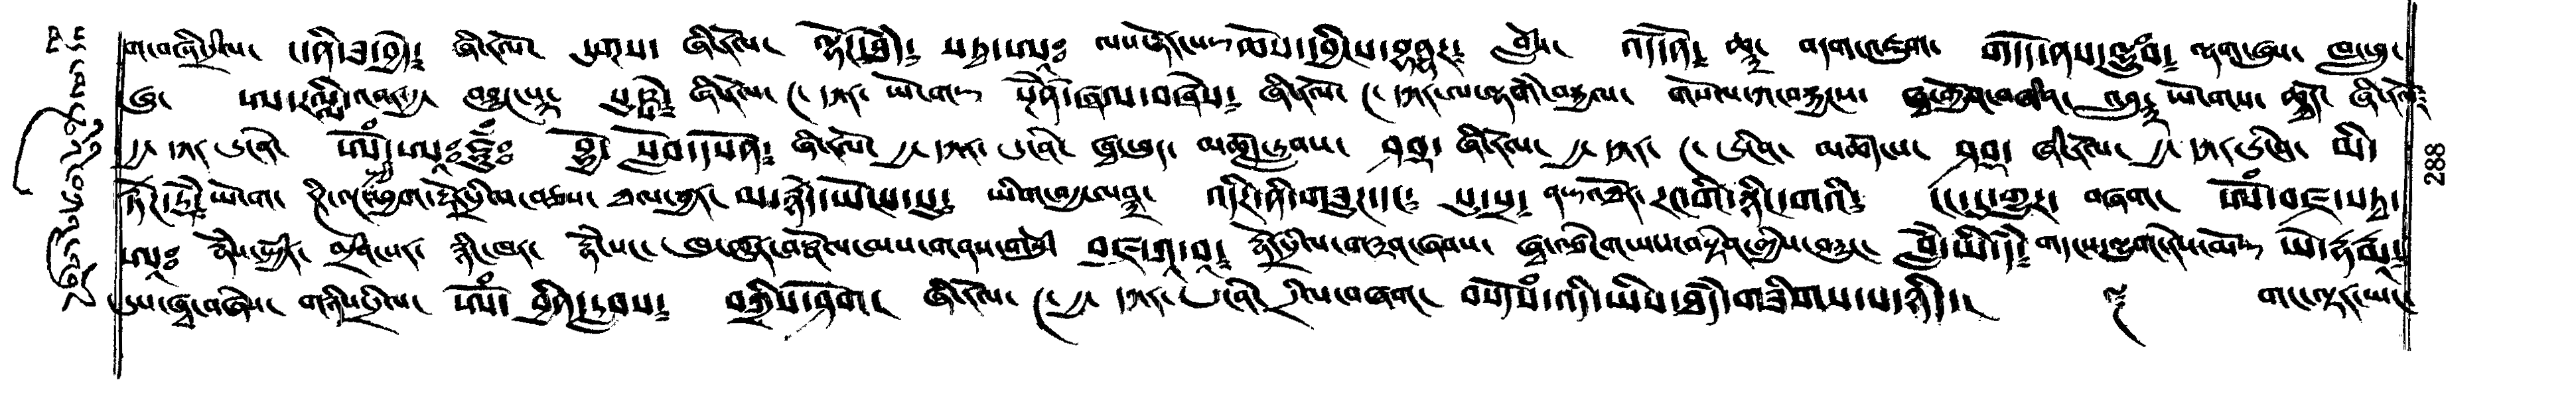ག་བཞི་དྲིལ། ང་ནི་ཟ་བྱེད༴ ཞི་རོལ། དུག་ལྔ༴ ཞི་རོལ། ལྷ་ཚོགས་ཐམས་ཅད༴ སཏྭ་ཨཱཿ ལས་རྡོར་པས། ཆོས་དབྱིངས་བྷནྡྷར༴ བླ་མས། འདོད་དོན༴ ཆ་གསུམ། བདག་འཇུག གདོད་ནས་ལྷུན་གྲུབ༴ ལྷག་ཞུས། ཁང་ཕྲུ་
ཞུ། ཨ་རལླི༴ འབར་རྒྱ། བཤུགས་པ་གཉིས། པུཥྤེ༴ ཞི་རོལ། ཌཱ། དཀར། ཡོ་གས། སྔོན་ཚེ་ཞལ་བཞེས༴ ཞི་རོ། ཌཱ། དཀར་ལ་ལྷག་མ་བསྐྱལ། གསོལ་ཀ་བསྐྱང་། ཞྭ་གྱོན་བཞིན། འབྲུ་གསུམ། ཡོ་གས་ཆད་ཐོ། ཞི་རོལ། 
རྒྱ། དཀར། དུང་། ཨོཾ་ཨཱཿཧཱུྃཿ བྷྱོ༔ སློབ་དཔོན༴ ཞི་རོལ། རྒྱ། དཀར། དུང་། ཞྭ་ཕུད། མཆོད་རླབས། ཤབྡ༴ ཞི་རོལ་རྒྱ། དཀར། ཌཱ། དུང་། མཆོད་པ། ཤབྡ༴ ཞི་རོལ། རྒྱ། དཀར། དུང་། མི་
རྟོག་རྡོ་རྗེ༴ ཡོ་ག རིགས་ལྔ་སྤྱི་ཕྱག་རྡོར་དྲིལ་བཅས་ཐལ་སྦྱར། མ་རྙེད་ཡོངས་སུ༴ ཡིག་བརྒྱ་ལན་གསུམ། འདིར་ནི་གཟུགས་དང༴ སུ་པྲ༴ ནས་འཐོར། རང་གི་སྙིང་གའི༴ ངང་དུ་གྱུར། གཞག ཨོཾ་བཛྲ་སཏྭ་
ཨཱཿ རྡོ་རྗེ་སྤྱི་བོར། མགྲིན་པར། སྙིང་ཁར། རྡོ་རྗེ་སང་། ཁུ་ཚུར་བསྣོལ་མས་གནས་གསུམ། བཛྲ་ཀཱ་བཱ༴རྡོར་དྲིལ་གཟན་ཞབས་ཞྭ་རྩེ་གཡས་བསྟན་གྱིས་གཟུང་། བླ་མ་ཡི་དམ༴ གདངས་ལྷུག་རེས་མོས། ཡེ་དྷརྨཱ༴ 
དུས་ཞྭ་བཞེས། གཉིས་དྲིལ། ཨོཾ༔ བྱིན་རླབས༴ བཀྲ་ཤིས་ཤོག༔ ཞི་རོལ། ཌཱ། རྒྱ། དུང་། དྲིལ་གཞག བསོད་ནམས་འདི་ཡིས་ཐམས་ཅད་གཟིགས་པ་ཉིད། ༈